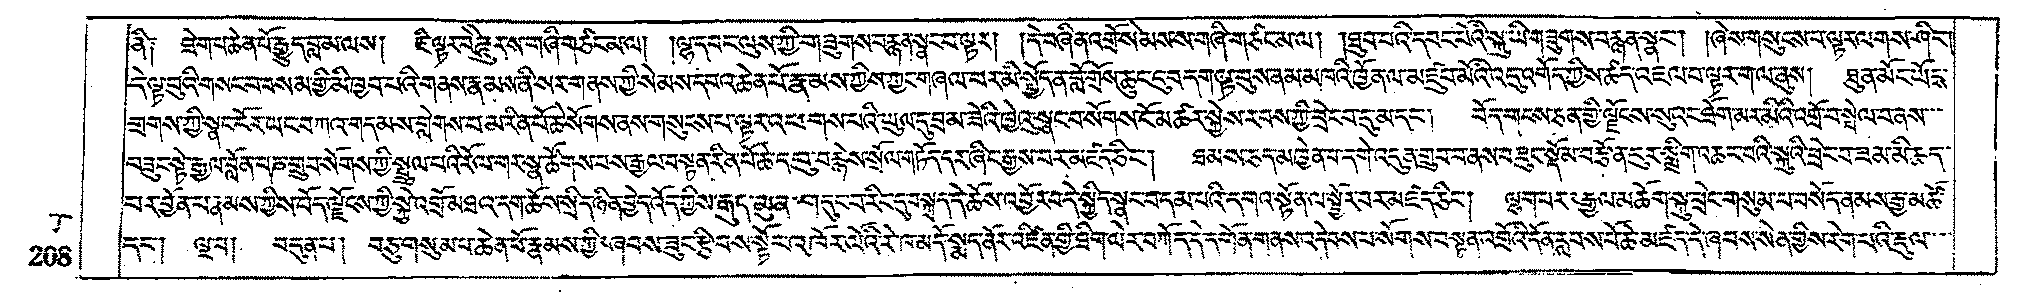ནི༑ ཐེག་པ་ཆེན་པོ་རྒྱུད་བླ་མ་ལས། ཇི་ལྟར་བཻཌཱུར་ས་གཞི་གཙང་མ་ལ། །ལྷ་དབང་ལུས་ཀྱི་གཟུགས་བརྙན་རྣང་བ་ལྟར། །དེ་བཞིན་འགྲོ་སེམས་ས་གཞི་གཙང་མ་ལ། །ཐུབ་པའི་དབང་པོའི་སྐུ་ཡི་གཟུགས་བརྙན་སྣང་། །ཞེས་གསུངས་པ་ལྟར་ལགས་ཤིང་།
དེ་ལྟ་བུའི་གསང་བ་བསམ་གྱི་མི་ཁྱབ་པའི་གནས་རྣམས་ནི་སར་གནས་ཀྱི་སེམས་དབའ་ཆེན་པོ་རྣམས་ཀྱིས་ཀྱང་གཞལ་བར་མི་སྤྱོད་ན་བློ་གྲོས་ཆུང་དུ་བདག་ལྟ་བུས་ནམ་མཁའི་ཁྱོན་ལ་མཛུབ་མོའི་འདུ་འགོད་ཀྱིས་ཚད་འཇལ་བ་ལྟར་ག་ལ་ནུས། ཐུན་མོང་ཡོངས་
གྲགས་ཀྱི་སྣང་ངོར་ཡང་བཀའ་གདམས་གླེགས་བམ་རིན་པོ་ཆེ་སོགས་ནས་གསུངས་པ་ལྟར་འཕགས་པའི་ཡུལ་དུ་བྲམ་ཟེའི་ཁྱེའུ་སྣང་བ་སོགས་ངོ་མཚར་སྐྱེས་རབས་ཀྱི་ཕྲེང་བ་དུ་མ་དང་། བོད་གངས་ཅན་གྱི་ལྗོངས་སུའང་ཐོག་མར་མིའི་འགྲོ་བ་སྤེལ་བ་ནས་་་
བཟུང་སྟེ་རྒྱལ་བློན་པཎ་གྲུབ་སོགས་ཀྱི་སྤྲུལ་པ་འི་རོལ་གར་སྣ་ཚོགས་པས་རྒྱལ་བསྟན་རིན་པོ་ཆེ་དབུ་བརྙེས་སྲོལ་གཏོད་དར་ཞིང་རྒྱས་བར་མཛད་ཅིང་། ཐམས་ཅད་མཁྱེན་པ་དགེ་འདུན་གྲུབ་པ་ནས་བཟུང་སྡོམ་བརྩོན་དུར་སྨྲིག་འཆང་བའི་སྐུའི་ཕྲེང་བ་ཟམ་མི་ཆད་་་
པར་བྱོན་པ་རྣམས་ཀྱིས་བོད་ལྗོངས་ཀྱི་སྐྱེ་འགྲོ་མཐའ་དག་ཆོས་སྲིད་ཉིན་བྱེད་འོད་ཀྱིས་རྒུད་མུན་གདུང་བ་རིང་དུ་བསྐྲད་དེ་ཆོས་འབྱོར་བདེ་སྐྱིད་སྣང་བ་དམ་པའི་དགའ་སྟོན་ལ་སྦྱོར་བར་མཛད་ཅིང་། ལྷག་པར ༧རྒྱལ་མཆོག་སྐུ་ཕྲེང་གསུམ་པ་བསོད་ནམས་རྒྱ་མཚོ་
དང་། ལྔ་པ། བདུན་པ། བཅུ་གསུམ་པ་ཆེན་པོ་རྣམས་ཀྱི ༧ཞབས་ཟུང་རྩིབས་སྟོང་འཁོར་ལོའི་རེ་ཁ་མདོ་སྨད་ནོར་འཛིན་གྱི་ཐིག་ལེར་བཀོད་དེ་དགོན་གནས་འདེབས་པ་སོགས་བསྟན་འགྲོའི་དོན་རླབས་པོ་ཆེ་མཛད་དེ་ཞབས་སེན་གྱིས་རེག་པའི་རྡུལ་་་